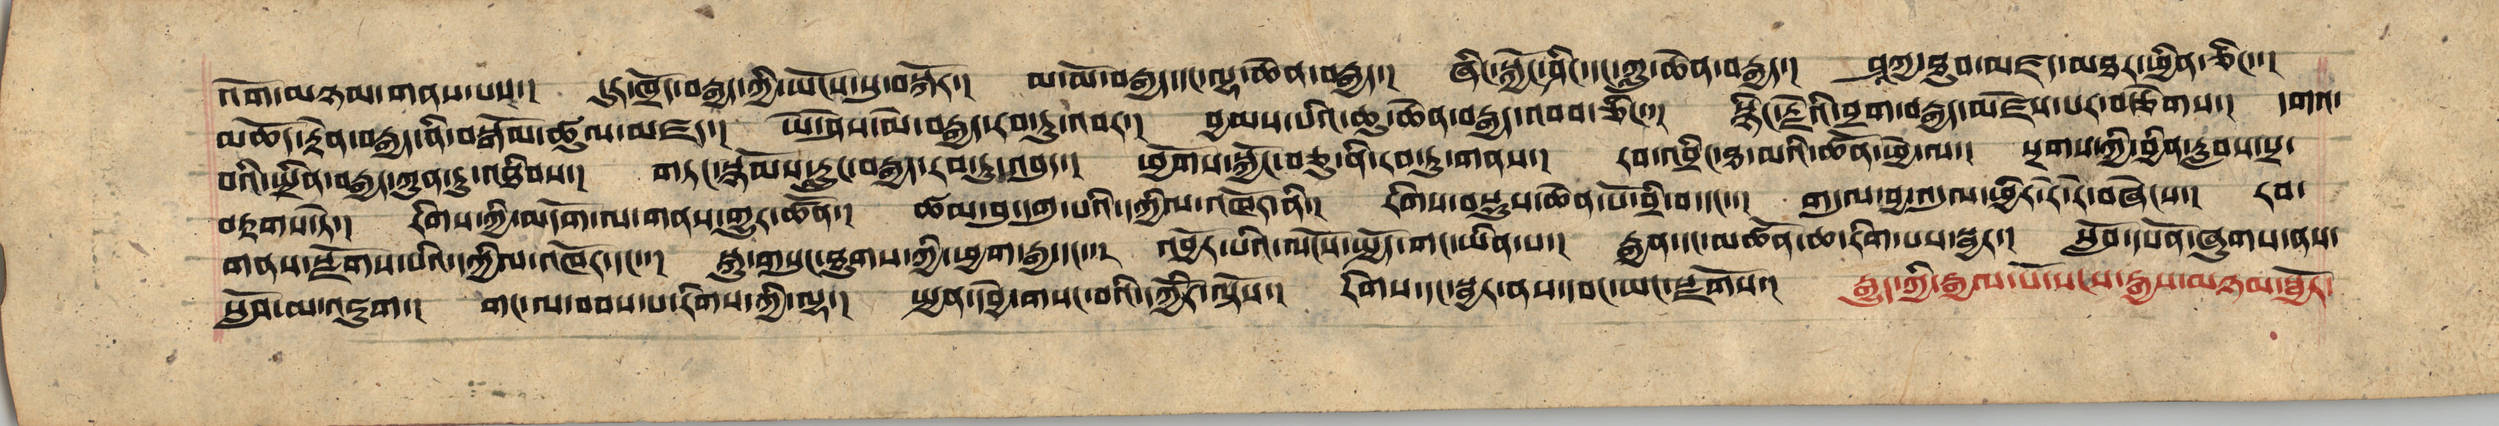འོག་མཉམ་གནས་པས་། དུར་ཁྲོད་བརྒྱད་ཀྱི་ཡོངས་སུ་བསྐོར་། མ་མོ་བརྒྱད་དང་ལྷ་ཆེན་བརྒྱད་། ཞིང་སྐྱོང་ཤིང་དང་ཀླུ་ཆེན་བརྒྱད་། ཤཱཀྱ་ཐུབ་མཛད་མཐར་ཕྱིན་ཅིང་་།
མཆོད་རྟེན་བརྒྱད་ནི་བསྒོམ་ཚུལ་མཛད་། ཡེ་ཤེས་མེ་བརྒྱད་རབ་ཏུ་འབར་། བྱམས་པའི་ཆུ་ཆེན་བརྒྱད་འབབ་ཅིང་་། སྙིང་རྗེའི་བྲག་བརྒྱད་མཛེས་པར་བརྩེགས་། དགའ་
བའི་སྤྲིན་བརྒྱད་ཀུན་ཏུ་འཐིབས་། གཏང་སྙོམས་རླུང་བརྒྱད་རབ་ཏུ་འབུད་། ཕྱོགས་སྐྱོང་བཅུ་ནི་རབ་ཏུ་གནས་། རབ་འབྲིང་ཐ་མའི་ཚོན་ཕྱེ་ལ་། སྔགས་ཀྱི་བྱིན་རླབས་སྲ་
བརྟགས་ཏེ་། རིགས་ཀྱི་མདོག་ལ་གནས་གྱུར་ཚོན་། ཚམ་བུ་དགུ་པའི་དཀྱིལ་འཁོར་ནི་། རིགས་བསྡུས་ཆེན་པོ་བྲི་བ་དང་་། གདུལ་བྱ་འདུལ་ཕྱིར་རེ་རེ་བཞེངས་། རབ་
གནས་སྫོགས་པའི་དཀྱིལ་འཁོར་དང་་། སྐུ་གསུང་ཐུགས་ཀྱི་ཕྱག་རྒྱ་དང་་། འབྱོར་པའི་ལོངས་སྤྱོད་གང་ཡིན་པ་། རྒྱན་དང་མཚོན་ཆ་རིག་པས་སྦྱར་། སློབ་དཔོན་ཞུགས་ནས་
སློབ་མ་འཇུག་། གང་ལ་བབས་པ་རིགས་ཀྱི་ལྷ་། སྤྱན་དབྱེ་གསང་བའི་དཀྱོིར་ལྟོས་། རིགས་དང་སྦྱར་ནས་དབང་ཡང་སྫོགས་། རྒྱུད་ཀྱི་རྒྱལ་པོ་སངས་རྒྱས་མཉམ་སྦྱོར་